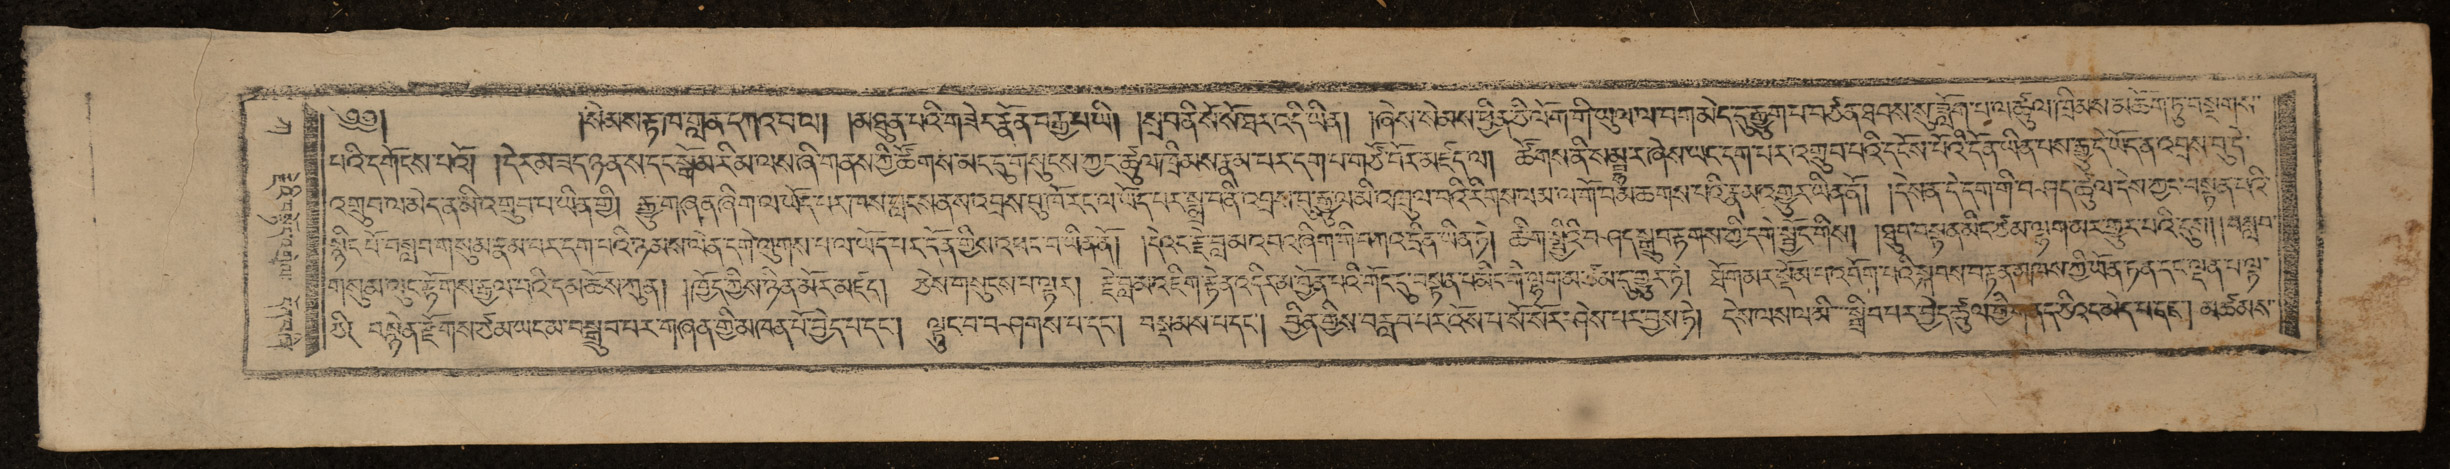༄༅། །སེམས་རྟ་ཁ་གླན་དཀའ་བ་ལ། །མཐུན་པའི་གཟེར་རྣོན་བརྒྱ་པ་ཡི། །སྲབ་ནི་སོ་སོ་ཐར་འདི་ཡིན། །ཞེས་སེམས་ཕྱིན་ཅི་ལོག་གི་ཡུལ་ལ་བག་མེད་དུ་རྒྱུག་བ་བཙན་ཐབས་སུ་ཟློག་པ་ལ་ཚུལ་ཁྲིམས་མཆོག་ཏུ་བསྔགས་
པའི་དགོངས་པའོ། །དེར་མྯད་ཉན་ས་དང་སྒོམ་རིམ་ལས་ཞི་གནས་ཀྱི་ཚོགས་མང་དུ་གསུངས་ཀྱང་ཚུལ་ཁྲིམས་རྣམ་པར་དག་པ་གཙོ་བོར་མཛད་ལ། ཚོགས་ནི་སམྦྷར་ཞེས་ཡང་དག་པར་འགྲུབ་པའི་དངོས་བོའི་དོན་ཡིན་པས་རྒྱུ་དེ་ཡོད་ན་འབྲས་བུ་དེ་
འགྲུབ་ལ་མེད་ན་མི་འགྲུབ་པ་ཡིན་གྱི། རྒྱུ་གཞན་ཞིག་ལ་ཡོད་པར་ཁས་བླངས་ནས་འབྲས་བུ་ཁོ་རང་ལ་ཡོད་བར་སྨྲ་བ་ནི་འབྲས་བུ་རྒྱུལ་མི་འཁྲུལ་པའི་རིགས་ལམ་ལ་གོ་བ་མ་ཆགས་པའི་རྣམ་འགྱུར་ཡིན་ནོ། །དེས་ན་དེ་དག་གི་བཤད་ཚུལ་དེས་ཀྱང་བསྟན་བའི་
སྙིང་པོ་བསླབ་གསུམ་རྣམ་པར་དག་བའི་ཉམས་ལེན་དགེ་ལུགས་བ་ལ་ཡོད་པར་དོན་གྱིས་འཕང་བ་ཡིན་ནོ། །དེའང་རྗེ་བླ་མ་འབའ་ཞིག་གི་བཀའ་དྲིན་ཡིན་ཏེ། ཚིག་སྤྱིའི་བཤད་སྒྲུབ་རྟགས་ཀྱི་དགེ་སྦྱོང་གིས། །ཐུབ་བསྟན་མིང་ཙམ་ལྷག་མར་གྱུར་བའི་དུས། །བསླབ་
གསུམ་ལུང་རྟོགས་རྒྱལ་བའི་དམ་ཆོས་ཀུན། །ཁྱོད་ཀྱིས་ཉིན་མོར་མཛད། ཅེས་གསུངས་པ་ལྟར། རྗེ་བླ་མ་འཇིག་རྟེན་འདིར་མ་བྱོན་པའི་གོང་དུ་བསྟན་པ་མིང་གི་ལྷག་མ་ཙམ་དུ་གྱུར་ཏེ། ཐོག་མར་སྡོམ་པ་འབོག་པའི་སྐབས་བརྟན་མཁས་ཀྱི་ཡོན་ཏན་དང་ལྡན་བལྟ་
ཅི༑ བསྙེན་རྫོགས་ཙམ་ཡང་མ་བསྒྲུབ་པར་གཞན་གྱི་མཁན་པོ་བྱེད་བ་དང་། ལྟུང་བ་བཤགས་པ་དང་། བསྡམས་བ་དང་། བྱིན་གྱིས་བརླབ་བར་འོས་བ་སོ་སོར་ཤེས་པར་བྱས་ཏེ། དེས་ལས་ལ་མི་སྒྲིབ་པར་བྱེད་ཚུལ་གྱི་གནད་ཅིའང་མེད་པ་དང་། མཚམས་